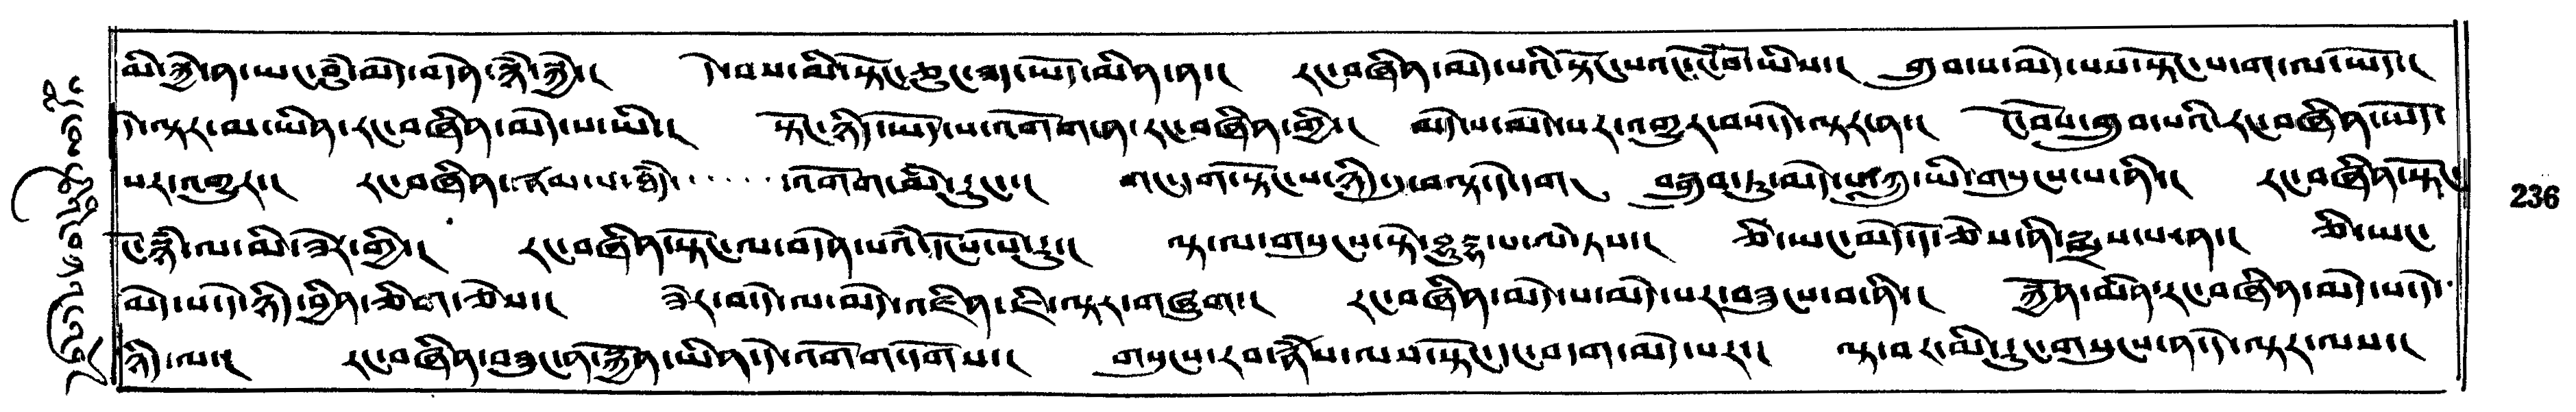མི་སྐྱེ་ན་ཡང་བུམ་མེད་བདེན་སྙམ་སྐྱེ། །དེ་བས་མི་སྟོང་ཅུང་ཟད་ཡོད་མིན་ན། །རང་བཞིན་མེད་པའི་སྟོང་པའང་ངོ་བོ་ཡིས། །གྲུབ་པ་མེད་པས་སྟོང་པ་ག་ལ་ཡོད། །
དེ་ལྟར་མ་ཡིན་རང་བཞིན་མེད་པ་ཡི། །སྟོང་ཉིད་ཡོད་པ་འགོག་ན་རང་བཞིན་གྱི། །མེད་པ་མེད་པར་འགྱུར་བས་དེ་ལྟར་ན། །ངོ་བོས་གྲུབ་པའི་རང་བཞིན་ཡོད་
པར་འགྱུར། །རང་བཞིན་རྣམ་པ་ཐམས་ཅད་འགོག་མི་རུང་། །གང་དག་སྟོང་པ་ཉིད་དུ་བལྟ་དེ་དག །བསྒྲུབ་ཏུ་མེད་པར་ཀླུ་ཡི་གསུངས་པ་ནི། །རང་བཞིན་སྟོང་
ངོ་སྙམ་ལ་མི་ཟེར་གྱི། །རང་བཞིན་སྟོང་ལ་བདེན་པའམ་དངོས་པོ་རུ། །ལྟ་ལ་གསུངས་སྟེ་བྷུདྡྷ་པ་ལི་ཏས། །ཅི་ཡང་མེད་དོ་ཅེས་ནི་སྨྲས་པ་ན། །ཅི་ཡང་
མེད་པ་དེ་ཉིད་བྱིན་ཅིག་ཅེས། །ཟེར་བ་དེ་ལ་མེད་འཛིན་ཇི་ལྟར་གཞུག །རང་བཞིན་མེད་པ་མེད་པར་བཟུང་བ་ནི། །སྐྱོན་མེད་རང་བཞིན་མེད་པ་དེ་
ཉིད་ལ། །རང་བཞིན་བཟུང་ན་སྐྱོན་ཡིན་དེ་འགོག་དགོས། །གསུང་རབ་རྣམས་ལས་སྟོང་དང་བདག་མེད་པར། །ལྟ་བར་མི་རུང་གསུངས་ན་དེ་ལྟར་ལས། །